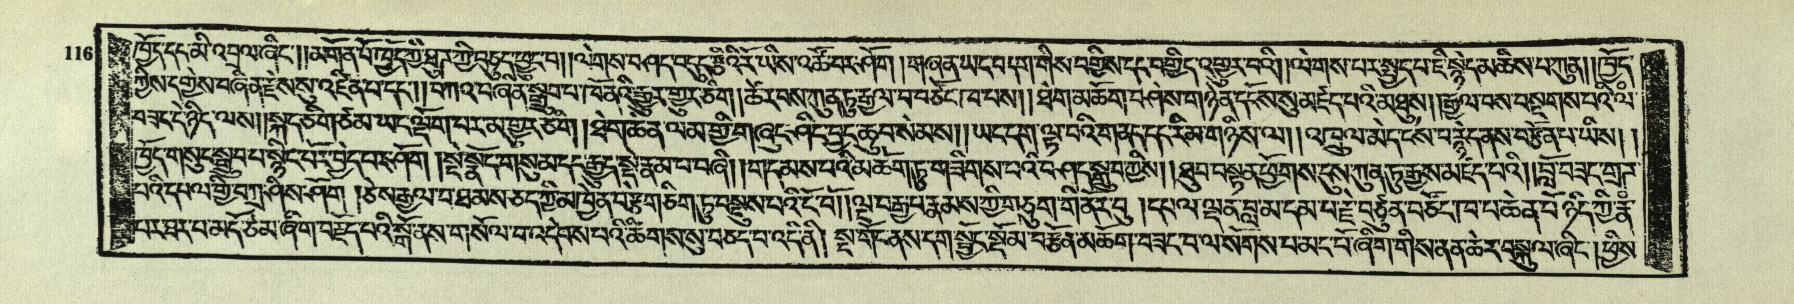ཁྱོད་དང་མི་འབྲལ་ཞིང་། །མགོན་པོ་ཁྱོད་ཀྱི་ཐུཌ་ཀྱི་འྕུད་ཕྱུང་བ། །ལེགས་བཤད་བདུད་རྩིའི་རོ་ཡིས་འཚོ་བར་ཤོག །གཞན་ཡང་བདག་གིས་བགྱིས་དང་བགྱིད་དང་བགྱིད་འགྱུར་བའི། །ལེགས་པར་སྤྱད་པ་ཇི་སྙེད་མཆིས་པ་ཀུན། །ཁྱོད་
ཀྱིས་དགྱེས་བཞིན་རྗེས་སུ་འཛིན་པ་དང་། །བཀའ་བཞིན་སྒྲུབ་པ་ཁོ་ནའི་རྒྱུར་གྱུར་ཅིག །ཚེ་རབས་ཀུན་ཏུ་རྒྱལ་བ་བཙོང་ཁ་པས། །ཐེག་མཆོག་བཤེས་གཉེན་དངོས་སུ་མཛད་པའི་མཐུས། །རྒྱལ་བས་བསྔགས་པའི་ལཾ་
བཟང་དེ་ཉིད་ལས། །སྐད་ཅིག་ཙམ་ཡང་ལྡོག་པར་མ་གྱུར་ཅིག་བཟང་དེ་ཉིད་ལས། །སྐད་ཅིག་ཙམ་ཡང་ལྡོག་པར་མ་གྱུར་ཅིག་བའི་གནད་དང་རིམ་གཉིས་ལ། །འཁྲུལ་མེད་ངེས་པ་རྙེད་ནས་བརྩོན་པ་ཡིས། །
ཁྱོད་གསུང་སྒྲུབ་པ་སྙིང་པོར་བྱེད་པར་ཤོག །སྡེ་སྣོད་གསུམ་དང་རྒྱུད་སྡེ་རྣམ་པ་བཞི། །གདམས་པའི་མཆོག་ཏུ་གཟིགས་པའི་བཤད་སྒྲུབ་ཀྱིས། །ཐུབ་བསྟན་ཕྱོགས་དུས་ཀུན་ཏུ་རྒྱས་མཛད་པའི། །བློ་བཟང་གྲཌ་
པའི་དཔལ་གྱི་བཀྲ་ཤིས་ཤོག །ཅེས་རྒྱལ་བ་ཐམས་ཅད་ཀྱི་མཁྱེན་བརྩེ་གཅིག་ཏུ་བསྡུས་པའི་ངོ་བོ། །ལྔ་བརྒྱ་པ་རྣམས་ཀྱི་གཅིག་གི་ནོར་བུ་།དཔལ་ལྡན་བླ་མ་དམ་པ་རྗེ་བཙུན་བཙོང་ཁ་པ་ཆེན་པོ་ཉིད་ཀྱི་རྣཾ་
པར་ཐར་པ་མདོ་ཙམ་ཞིག་བརྗོད་པའི་སྒོ་ནས་གསོལ་བ་འདེབས་པའི་ཚིགས་སུ་བཅད་པ་འདི་ནི། སྔ་གོང་ནས་དག་སྦྱོང་སྡོམ་བརྩོན་མཆོག་བཟང་བ་ལ་སོགས་པ་མང་པོ་ཞིག་གིས་ནན་ཆེར་བསྐུལ་ཞིང་།ཕྱིས་